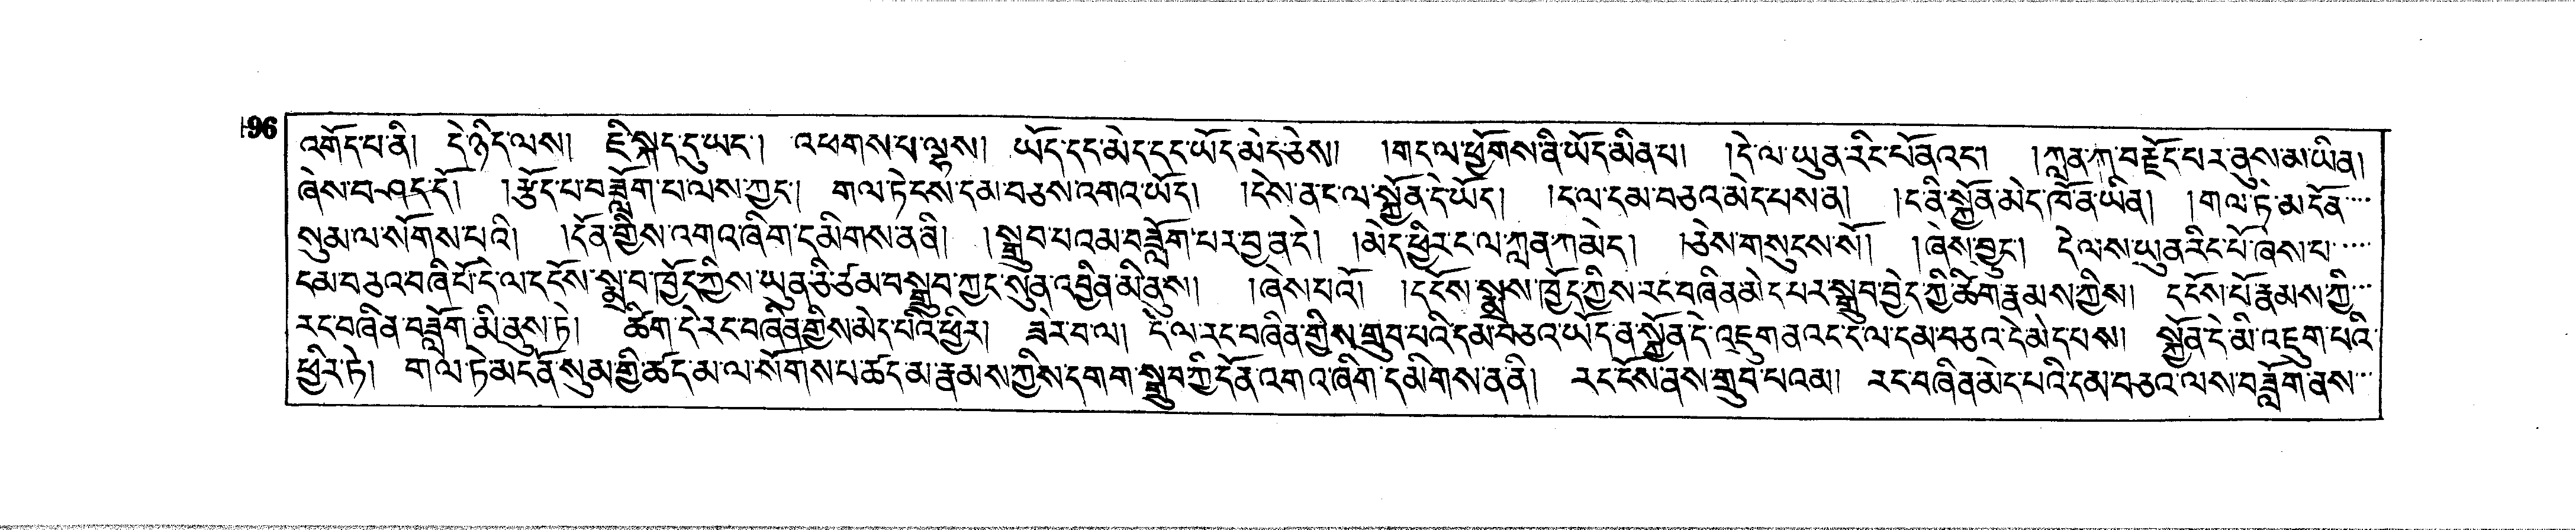འགོད་པ་ནི། དེ་ཉིད་ལས། ཇི་སྐད་དུ་ཡང་། འཕགས་པ་ལྷས། ཡོད་དང་མེད་དང་ཡོད་མེད་ཅེས། །གང་ལ་ཕྱོགས་ནི་ཡོད་མིན་པ། །དེ་ལ་ཡུན་རིང་པོ་ནའང་། །ཀླན་ཀ་བརྗོད་པར་ནུས་མ་ཡིན།
ཞེས་བཤད་དོ། །རྩོད་པ་བཟློག་པ་ལས་ཀྱང་། གལ་ཏེ་ངས་དམ་བཅས་འགའ་ཡོད། །དེས་ན་ང་ལ་སྐྱོན་དེ་ཡོད། །ང་ལ་དམ་བཅའ་མེད་པས་ན། །ང་ནི་སྐྱོན་མེད་ཁོ་ན་ཡིན། །གལ་ཏེ་མངོན་
སུམ་ལ་སོགས་པའི། །དོན་གྱིས་འགའ་ཞིག་དམིགས་ན་ནི། །སྒྲུབ་པའམ་བཟློག་པར་བྱ་ན་དེ། །མེད་ཕྱིར་ང་ལ་ཀླན་ཀ་མེད། །ཅེས་གསུངས་སོ། །ཞེས་བྱུང་། དེ་ལས་ཡུན་རིང་པོ་ཞེས་པ་
དམ་བཅའ་བཞི་པོ་དེ་ལ་དངོས་སྨྲ་བ་ཁྱོད་ཀྱིས་ཡུན་ཅི་ཙམ་བསྒྲུབ་ཀྱང་སུན་འབྱིན་མི་ནུས། །ཞེས་པའོ། །དངོས་སྨྲས་ཁྱོད་ཁྱོད་ཀྱིས་རང་བཞིན་མེད་པར་སྒྲུབ་བྱེད་ཀྱི་ཚིག་རྣམས་ཀྱིས། དངོས་པོ་རྣམས་ཀྱི་
རང་བཞིན་བཟློག་མི་ནུས་ཏེ། ཚིག་དེ་རང་བཞིན་གྱིས་མེད་པའི་ཕྱིར། ཟེར་བ་ལ། དེ་ལ་རང་བཞིན་གྱིས་གྲུབ་པའི་དམ་བཅའ་ཡོད་ན་སྐྱོན་དེ་འཇུག་ནའང་ང་ལ་དམ་བཅའ་དེ་མེད་པས། སྐྱོན་དེ་མི་འཇུག་པའི་
ཕྱིར་ཏེ། གལ་ཏེ་མངོན་སུམ་གྱི་ཚད་མ་ལ་སོགས་པ་ཚད་མ་རྣམས་ཀྱིས་དགག་སྒྲུབ་ཀྱི་དོན་འགའ་ཞིག་དམིགས་ན་ནི། རང་ངོས་ནས་གྲུབ་པའམ། རང་བཞིན་མེད་པའི་དམ་བཅའ་ལས་བཟློག་ནས་